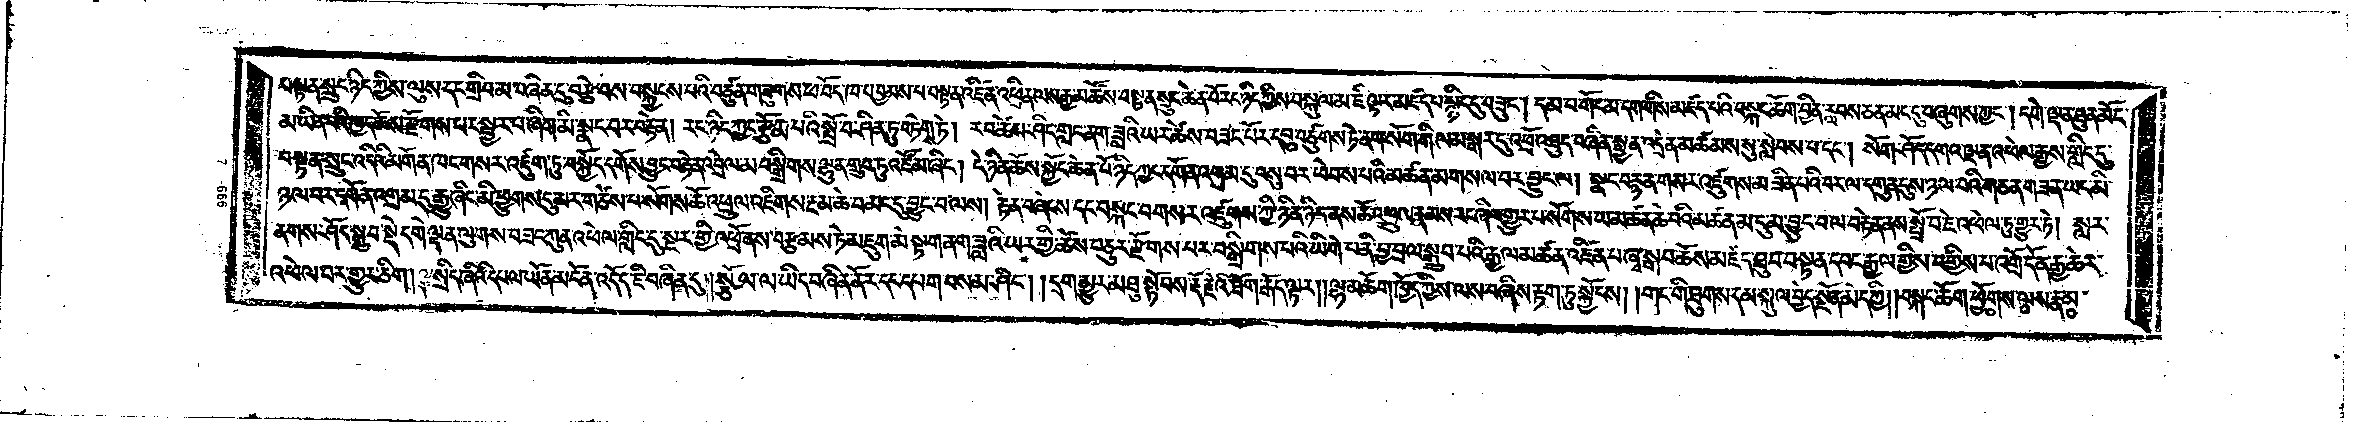བསྟན་སྲུང་ཉིད་ཀྱིས་ལུས་དང་གྲིབ་མ་བཞིན་དུ་བརྩེ་བས་བསྐྱངས་པའི་བཙུན་གཟུགས་ཕ་བོང་ཁ་པ་བྱམས་པ་ཏིང་འཛིན་འཕྲིན་ལ་རྒྱ་མཚོས་བསྟན་སྲུང་ཆེན་པོ་རང་ཉིད་ཀྱིས་བསྐུལ་མ་ཇི་ལྟར་མཛད་པ་སྙིང་དུ་བཟུང་། དམ་པ་གོང་མ་དག་གིས་མཛོད་པའི་བསྒང་ཆོག་
བྱིན་རླབས་ཅན་མང་དུ་བཞུགས་ཀྱང་། དགེ་ལྡན་ཐུན་མོང་མ་ཡིན་པའི་ཁྱད་ཆོས་རྫོགས་པར་སྦྱར་བ་ཞིག་མི་སྣང་བར་བརྟེན། རང་ཉིད་ཀྱང་རྩོམ་པའི་སྤྲོ་བ་ཤིན་ཏུ་བརྟེགས་ཏེ། རབ་ཚེས་ཤིང་གླང་ནག་ཟླའི་ཡར་ཚེས་བཟང་པོར་དབུ་བཙུགས་ཏེ་ནག་སོག་གི་ལམ་སྒར་དུ་འཕྲོ་འཐུད་
བཞིན་སྤྱན་འདྲེན་མཚམས་སུ་སླེབས་པ་དང་། སོ་གཤོད་དགའ་ལྡན་འཕེལ་རྒྱས་གླིང་དུ་བསྟན་སྲུང་འདིའི་མཁོན་ཁང་གསར་མཛུག་ཏུ་བསྐྱོད་དགོས་བྱུང་བ་རྟེན་འབྲེལ་མ་བསྒྲིགས་ལྷུན་གྲུབ་ཏུ་འཛོམ་ཞིང་། དེ་ཉིད་མོང་སྐྱོང་ཆེན་པོ་ཉིད་ཀྱང་དགོན་འགྲམ་དུ་བསུ་བར་ཕེབས་པའི་
མཚན་མཚན་མ་གསལ་བར་བྱུང་ལ། སྣང་བརྙན་གསར་འཛུགས་མ་ཟིན་པའི་བར་ལ་དགུན་དུས་ཉལ་བའི་གཅན་གཞན་ཡང་མི་ཉལ་བར་དགོན་འགྲམ་དུ་རྒྱུ་ཞིང་མི་ཕྱུགས་དུ་མང་གཙོས་པ་སོགས་ཆོ་འཕྲུལ་འཇིགས་རྔམ་ཆེ་བ་མང་དུ་བྱུང་བ་ལས། རྟེན་བཞིངས་དང་བསྐང་བ་གསར་འཛུགས་
ཀྱི་ཉིན་ཉིད་ནས་ཆོ་འཕྲུལ་རྣམ་པ་རང་ཞིར་གྱུར་པ་སོགས་ཡ་མཚན་ཆེ་བའི་མཚན་མ་དུ་མ་བྱུང་བ་ལ་བརྟེན་ནས་སྤྲོ་བ་ཇེ་འཕེལ་ཏུ་གྱུར་ཏེ། སླར་ནགས་ཤོས་སྒྲུབ་སྡེ་དགེ་ལྡན་ལུགས་བཟང་ཀུན་འཕེལ་གླིང་དུ་སྔར་གྱི་འཕྲོ་ནས་བརྩམས་ཏེ་མཇུག་མེ་སྟག་ནག་ཟླའི་ཡར་གྱི་ཆོས་བཅུར་རྫོགས་
པར་བསྒྲིགས་པའི་ཡི་གེ་པ་ནི་བྱ་བྲལ་སྒྲུབ་པའི་རྒྱལ་མཚན་འཛིན་འཛིན་པ་ཞྭ་སྒབ་ཆོས་མཛོད་ཐུབ་བསྟན་དབང་རྒྱལ་གྱིས་བགྱིས་པའི་འགྲོ་དོན་རྒྱ་ཆེར་འཕེལ་བར་གྱུར་ཅིག ། ༈ སྲིད་ཞིའི་དཔལ་ཡོན་མངོན་འདོད་ཇི་བཞིན་དུག་སྩོལ་ལ་ཡིད་བཞིན་ནོར་དང་དཔག་
བསམ་ཤིང་། དྲག་མྱུར་མཐུ་སྟོབས་རྡོ་རྗེའི་ཐོག་རྒོད་ལྟར།། ལྷ་མཆོག་ཁྱོད་ཀྱིས་ལས་བཞིས་རྟག་ཏུ་སྐྱོངས། གང་གི་ཐུགས་དམ་སྐུལ་བྱེད་སྔོན་མེད་ཀྱི།། བསྐང་ཆོག་ཕྱོགས་ལས་རྣམ་